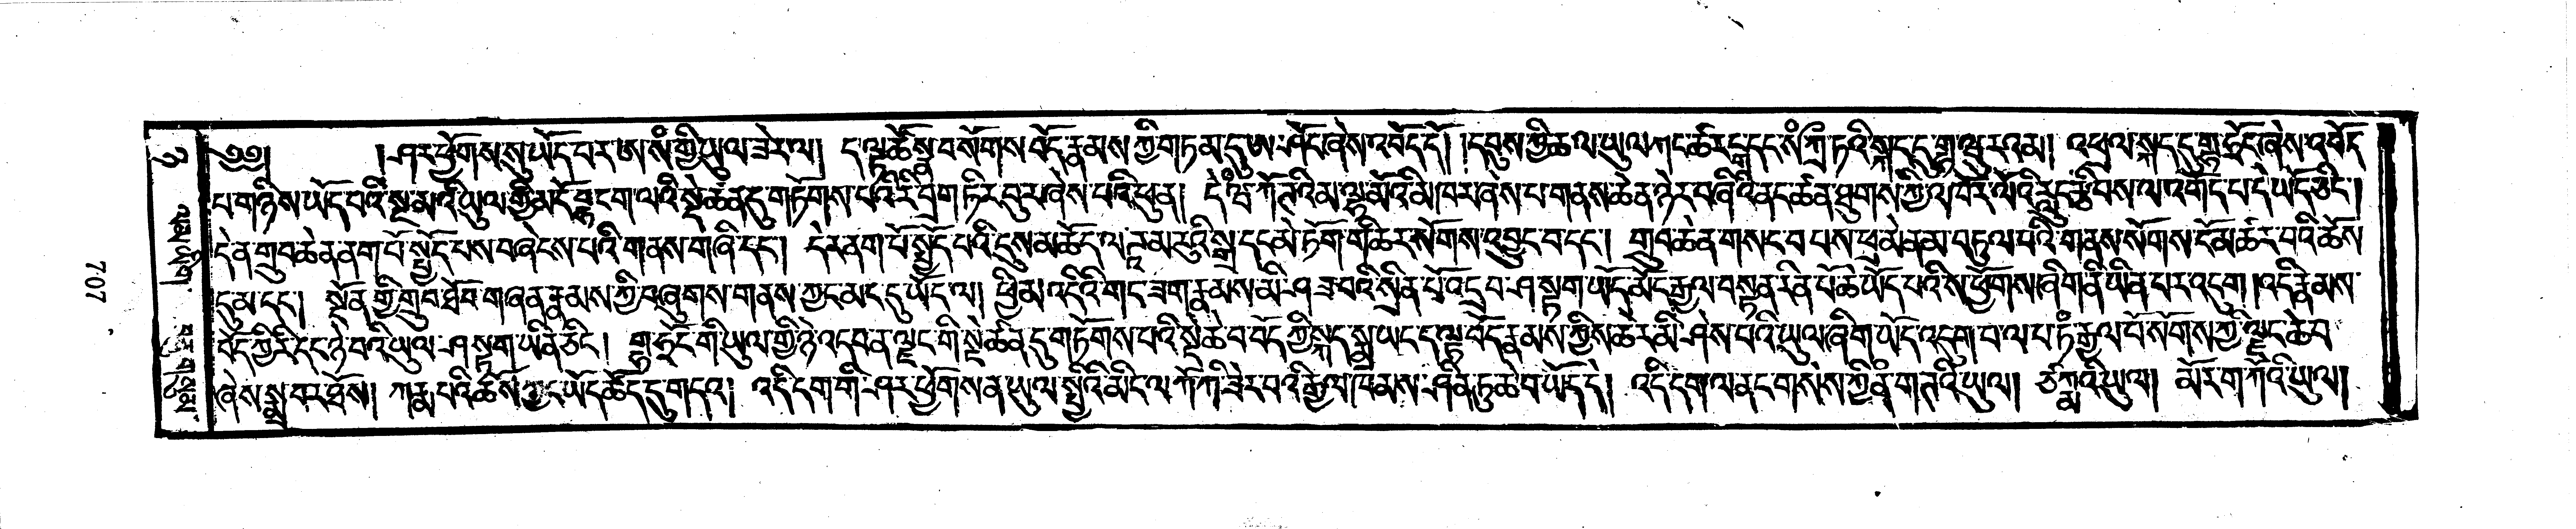༄༅། །ཤར་ཕྱོགས་སུ་ཡོད་པར་ཨ་སཾ་གྱི་ཡུལ་ཟེར་ལ། ད་ལྟ་ཚོ་སྣ་བ་སོགས་བོད་རྣམས་ཀྱི་གཏམ་དུ་ཨ་ཤོང་ཞེས་འབོད་དོ། །དབུས་ཀྱི་ཆ་ལ་ཡུལ་ཀང་ཚ་རངྒ་དང་སཾ་ཀྲྀ་ཏའི་སྐད་དུ་གྷ་ཝུ་རཱམ། འཕྲལ་སྐད་དུ་གྷ་ཧྲོང་ཞེས་འབོད་
པ་གཉིས་ཡོད་པའི་སྔ་མའི་ཡུལ་གྱི་མདོ་བྷང་ག་ལའི་སྡེ་ཚན་དུ་གཏོགས་པའི་རི་བྲག་ཏིར་བུར་ཞེས་པའི་ཕུ་ན། དེ་ཝཾ་ཀོ་ཊཱིམ་ལྷ་མོའི་མཁར་ཞེས་པ་གནས་ཆེན་ཉེར་བཞིའི་ནང་ཚན་ཐུགས་ཀྱི་འཁོར་ལོའི་རླུང་རྩིབས་ལ་འགོད་པ་དེ་ཡོད་ཅིང་།
དེ་ན་གྲུབ་ཆེན་ནག་པོ་སྤྱོད་པས་བཞེངས་པའི་གནས་གཞི་དང་། དེར་ནག་པོ་སྤྱོད་པའི་དུས་མཆོད་ལ་ཌཱམ་རུའི་སྒྲ་དང་མེ་ཏོག་གི་ཆར་སོགས་འབྱུང་བ་དང་། གྲུབ་ཆེན་གསང་བ་པས་ཕྲ་མེན་མ་བཏུལ་པའི་གནས་སོགས་ངོ་མཚར་བའི་ཆོས་
དུ་མ་དང་། སྔོན་གྱི་གྲུབ་ཐོབ་གཞན་རྣམས་ཀྱི་བཞུགས་གནས་ཀྱང་མང་དུ་ཡོད་ལ། ཕྱི་མ་འདིའི་གང་ཟག་རྣམས་མི་ཤ་ཟ་བའི་སྲིན་པོ་འདྲུབ་ཤ་སྟག་ཡོད་མོད་རྒྱལ་བསྟན་རིན་པོ་ཆེ་ཡོད་པའི་ས་ཕྱོགས་ཞིག་ནི་ཡིན་པར་འདུག །འདི་རྣམས་
བོད་ཀྱི་རི་དང་ཉེ་བའི་ཡུལ་ཤ་སྟག་ཡིན་ཅིང་། གྷ་ཧྲོང་གི་ཡུལ་གྱི་ཉེ་འདབ་ན་ལྗང་གི་སྡེ་ཚན་དུ་གཏོགས་པའི་སྡེ་ཆེ་བ་བོད་ཀྱི་སྐད་སྨྲ་ཡང་ད་ལྟ་བོད་རྣམས་ཀྱིས་ཆེར་མི་ཤེས་པའི་ཡུལ་ཞིག་ཡོད་འདུག་པ་ལ་པ་ཏཾ་རྒྱལ་བོ་སོགས་ཀྱི་ལྗང་ཆེ་བ་
ཞེས་སྨྲ་བར་ཐོས། ཀརྨ་པའི་ཆོས་ཀྱང་ཡོད་ཚོད་དུ་གདའ། འདི་དག་གི་ཤར་ཕྱོགས་ན་ཡུལ་སྤྱིའི་མིང་ལ་ཀོ་ཀི་ཟེར་བའི་རྒྱལ་ཁམས་ཤིན་ཏུ་ཆེ་བ་ཡོད་དེ། འདི་དག་ལ་ནང་གསེས་ཀྱི་ནཾ་གྚའི་ཡུལ། ཙཀྨའི་ཡུལ། མོར་ག་ཀོའི་ཡུལ།